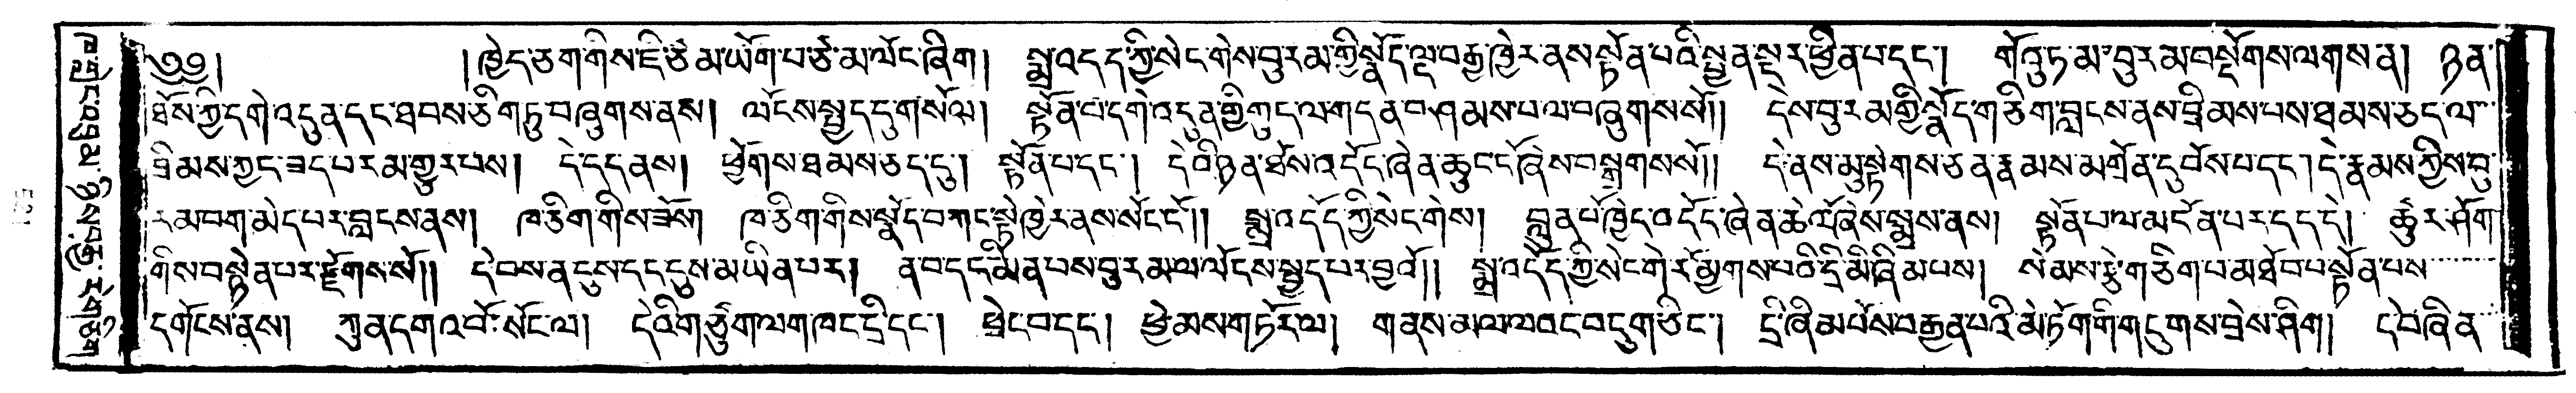༄༅། །ཁྱེད་ཅག་གིས་ཇི་ཙམ་ཡོག་པ་ཙ་མ་ལོང་ཞིག། སྨྲ་འདད་ཀྱི་སེང་གེས་བུ་རམ་གྱི་སྣོད་ལྔ་བརྒྱ་ཁྱེར་ནས་སྟོན་པའི་སྤྱན་སྔར་ཕྱིན་པ་དང་། གོའུ་ཏ་མ་བུར་མ་བསྡོགས་ལགས་ན། ཉན་
ཐོས་ཀྱི་དགེ་འདུན་དང་ཐབས་ཅིག་ཏུ་བཞུགས་ནས། ལོངས་སྤྱད་དུ་གསོལ། སྟོན་པ་དགེ་འདུན་གྱི་གུད་ལ་གདན་བཤམས་པ་ལ་བཞུགས་སོ།། དེས་བུ་རམ་གྱི་སྣོད་གཅིག་བླངས་ནས་བྲིམས་པས་ཐམས་ཅད་ལ་
བྲིམས་ཀྱང་ཟད་པར་མ་གྱུར་པས། དེ་དད་ནས། ཕྱོགས་ཐམས་ཅད་དུ། སྟོན་པ་དང་། དེའི་ཉན་ཐོས་འདོད་ཞེན་ཆུང་ངོ་ཞེས་བསྒྲགས་སོ།། དེ་ནས་མུ་སྟེགས་ཅན་རྣམས་མགྲོན་དུ་བོས་པ་དང་། དེ་རྣམས་ཀྱིས་བུ་
རམ་བག་མེད་པར་བླངས་ནས། ཁ་ཅིག་གིས་ཟོས། ཁ་ཅིག་གིས་སྣོད་བཀང་སྟེ་ཁྱེར་ནས་སོང་ངོ།། སྨྲ་འདོད་ཀྱི་སེང་གེས། བླུན་བོ་ཁྱེད་འདོད་ཞེན་ཆེའོ་ཞེས་སྨྲས་ནས། སྟོན་པ་ལ་མངོན་པར་དད་དེ། ཚུར་ཤོག་
གིས་བསྙེན་པར་རྫོགས་སོ།། དེ་བས་ན་དུས་དང་དུས་མ་ཡིན་པར། ན་བ་དང་མིན་པས་བུ་རམ་ལ་ལོངས་སྤྱད་པར་བྱའོ།། སྨྲ་འདོད་ཀྱི་སེང་གེ་རོ་མྱགས་པའི་དྲི་མི་ཞིམ་པས། སེམས་རྩེ་གཅིག་པ་མཐོབ་པ་སྟོན་པས་
དགོངས་ནས། ཀུན་དགའ་བོ་སོང་ལ། དེའི་གཙུག་ལག་ཁང་དྲི་དང་། ཕྲེང་བ་དང་། ཕྱེ་མས་གཏོར་ལ། གནས་མལ་ལའང་བདུག་ཅིང་། དྲི་ཞིམ་པོས་བརྒྱན་པའི་མེ་ཏོག་གི་གདུགས་བྲེས་ཤིག། དེ་བཞིན་